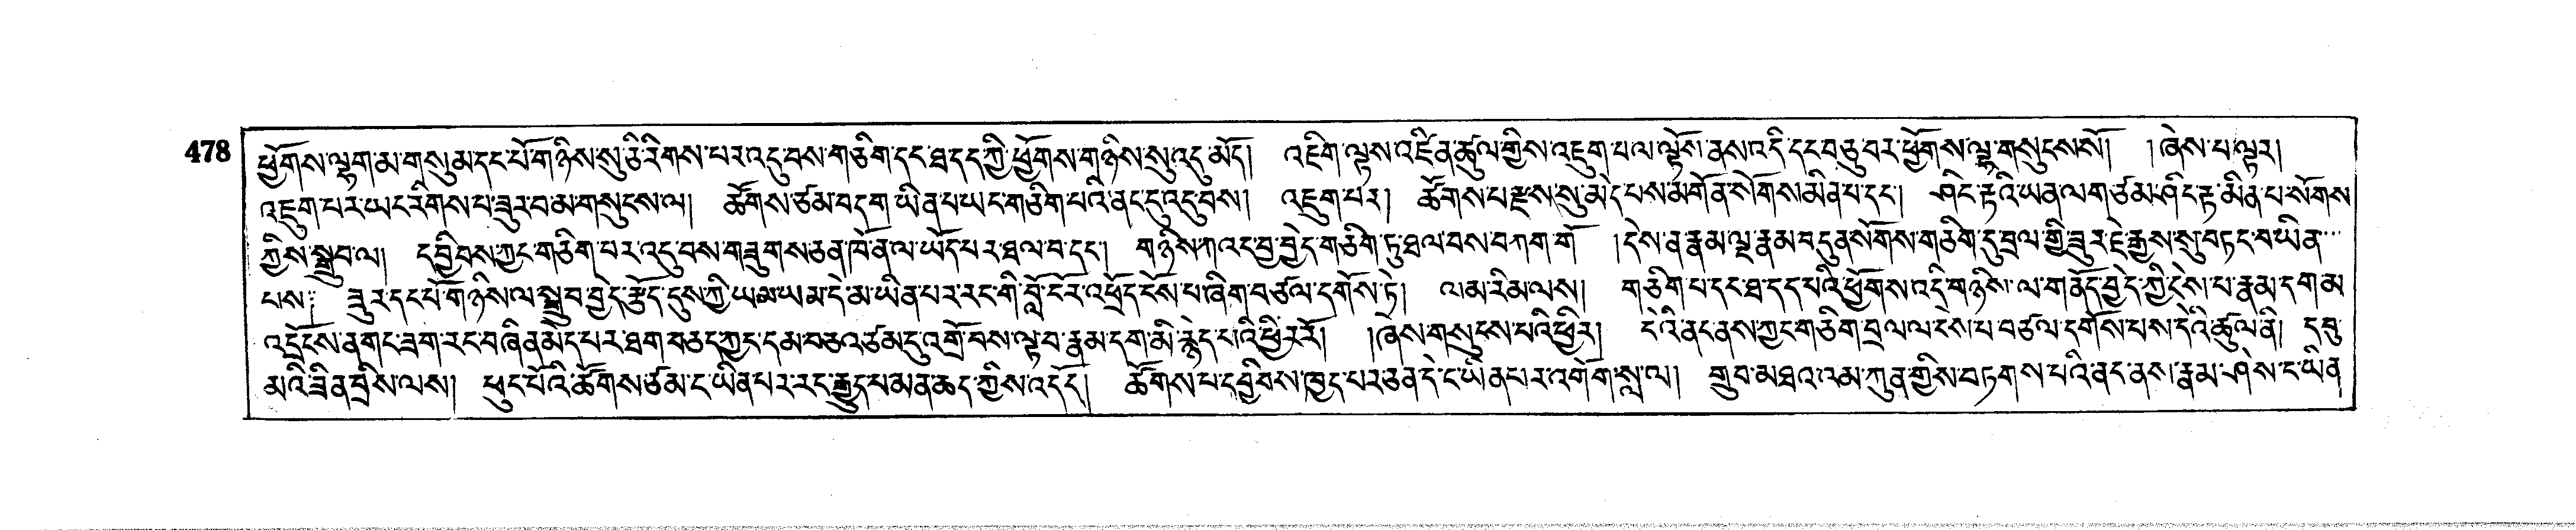ཕྱོགས་ལྷག་མ་གསུམ་དང་པོ་གཉིས་སུ་ཅི་རིགས་པར་འདུ་བས་གཅིག་དང་ཐ་དད་ཀྱི་ཕྱོགས་གཉིས་སུ་འདུ་མོད། འཇིག་ལྟས་འཛིན་ཚུལ་གྱིས་འཇུག་པ་ལ་ལྟོས་ནས་འདི་དང་བཅུ་བར་ཕྱོགས་ལྷ་གསུངས་སོ། །ཞེས་པ་ལྟར།
འཇུག་པར་ཡང་རིགས་པ་ཟུར་བ་མ་གསུངས་ལ། ཚོགས་ཙམ་བདག་ཡིན་པ་ཡང་གཅིག་པའི་ནང་དུ་འདུ་བས། འཇུག་པར། ཚོགས་པ་རྫས་སུ་མེད་པས་མགོན་སོགས་མིན་པ་དང་། ཤིང་རྟའི་ཡན་ལག་ཙམ་ཤིང་རྟ་མིན་པ་སོགས་
ཀྱིས་སྒྲུབ་ལ། དབྱིབས་ཀྱང་གཅིག་པར་འདུ་བས་གཟུགས་ཅན་ཁོ་ན་ལ་ཡོད་པར་ཐལ་བ་དང་། གཉིས་ཀའང་བྱ་བྱེད་གཅིག་ཏུ་ཐལ་བས་བཀག་གོ །དེས་ན་རྣམ་ལྔ་རྣམ་བདུན་སོགས་གཅིག་དུ་བྲལ་གྱི་ཟུར་ཇེ་རྒྱས་སུ་བཏང་བ་ཡིན་
པས། ཟུར་དང་པོ་གཉིས་ལ་སྒྲུབ་བྱེད་རྩོད་དུས་ཀྱི་ཡམ་ཡམ་དེ་མ་ཡིན་པར་རང་གི་བློ་ངོར་འཕྲོད་ངོས་པ་ཞིག་བཙལ་དགོས་ཏེ། ལམ་རིམ་ལས། གཅིག་པ་དང་ཐ་དད་པའི་ཕྱོགས་འདི་གཉིས་ལ་གནོད་བྱེད་ཀྱི་ངེས་པ་རྣམ་དག་མ་
འདྲོངས་ན་གང་ཟག་རང་བཞིན་མེད་པར་ཐག་བཅད་ཀྱང་དམ་བཅའ་ཙམ་དུ་འགྲོ་བས་ལྟ་བ་རྣམ་དག་མི་རྙེད་པའི་ཕྱིར་རོ། །ཞེས་གསུངས་པའི་ཕྱིར། དེའི་ནང་ནས་ཀྱང་གཅིག་བྲལ་ལ་ངེས་པ་བཙལ་དགོས་པས་དེའི་ཚུལ་ནི། དབུ་
མའི་ཟིན་བྲིས་ལས། ཕུང་པོའི་ཚོགས་ཙམ་ང་ཡིན་པར་རང་རྒྱུད་པ་མན་ཆད་ཀྱིས་འདོད། ཚོགས་པ་དབྱིབས་ཁྱད་པར་ཅན་དེ་ང་ཡིན་པར་འགོག་སླ་ལ། གྲུབ་མཐའ་འམ་ཀུན་གྱིས་བཏགས་པའི་ནང་ནས་རྣམ་ཤེས་ང་ཡིན་